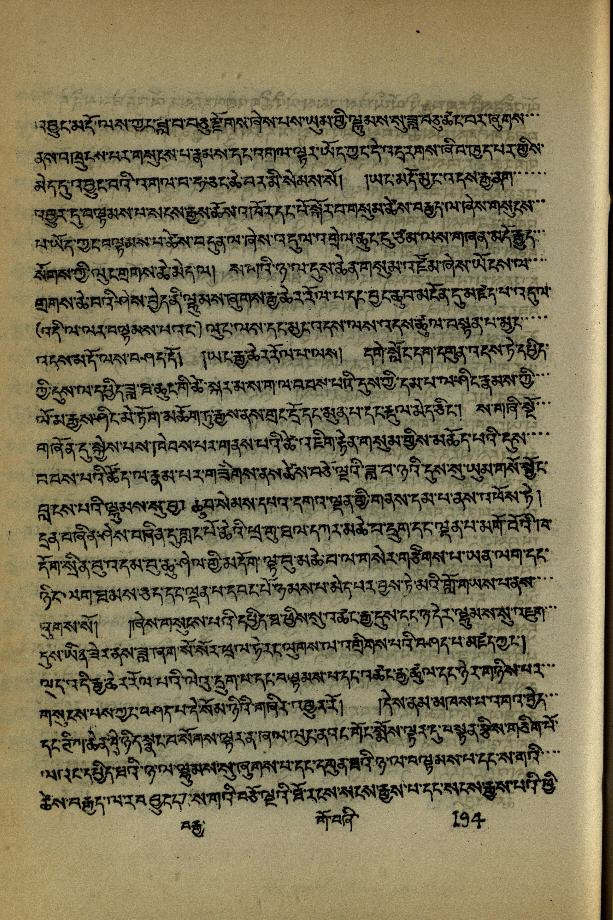འབྱུང་མདོ་ལས་ཀྱང་ཟླ་བ་བཅུ་རྫོགས་ཞེས་པས་ཡུམ་གྱི་ལྷུམས་སུ་ཟླ་བཅུ་ཚང་བར་ཞུགས་
ནས་འཁྲུངས་པར་གསུངས་པ་རྣམས་དང་འགལ་ལྟར་ཡོད་ཀྱང་དེ་འདྲ་རགས་ཞི་བ་ཁྱད་པར་གྱིས་
མེད་དུ་འབྱུང་བའི་འགལ་བ་ཧ་ཅང་ཆེ་བར་མི་སེམས་སོ། །ཡང་མདོ་མྱང་འདས་རྒྱ་ནག་
འགྱུར་དུ་བལྟམས་པ་སངས་རྒྱས་ཆོས་འཁོར་དང་པོ་སྐོར་བ་གསུམ་ཚེས་བརྒྱད་ལ་ཞེས་གསུངས་
པ་ཡོད་ཀྱང་བལྟམས་པ་ཚེས་བདུན་ལ་ཞེས་འདུལ་འགྲེལ་ཆུང་དུ་ཙམ་ལས་གཞན་མདོ་རྒྱུད་
སོགས་ཀྱི་ལུང་གྲགས་ཆེ་མེད་ལ། ས་གའི་ཉ་ལ་དུས་ཆེན་གསུམ་འཛོམ་ཞེས་ཡོངས་ལ་
གྲགས་ཆེ་བའི་ཤེས་བྱེད་ནི་ལྷུམས་ཞུགས་རྒྱ་ཆེར་རོལ་པ་དང་བྱང་ཆུབ་མངོན་དུ་མཛད་པ་འདུལ་
འདི་ལ་ལར་བལྟམས་པའང་ལུང་ལས་དང་མྱང་འདས་ལས་འདས་ཚུལ་བསྟན་པ་མྱང་
འདས་མདོ་ལས་བཤད་དོ། །ཡང་རྒྱ་ཆེར་རོལ་པ་ལས། དགེ་སློང་དག་དགུན་འདས་ཏེ་དཔྱིད་
ཀྱི་དུས་ལ་དཔྱིད་ཟླ་ཐ་ཆུང་གི་ཚེ་སྐར་མ་ས་ག་ལ་བབས་པའི་དུས་ཀྱི་དམ་པ་ལ་ཤིང་རྣམས་ཀྱི་
ལོ་མ་རྒྱས་ཤིང་མེ་ཏོག་མཆོག་ཏུ་རྒྱས་ནས་གྲང་དྲོ་དང་མུན་པ་དང་རྡུལ་མེད་ཅིང་། ས་གཞི་སྔོ་
གཞོན་དུ་སྐྱེས་པས་ཁེབས་པར་གནས་པའི་ཚེ་འཇིག་རྟེན་གསུམ་གྱིས་མཆོད་པའི་དུས་
བབས་པའི་ཚོད་ལ་རྣམ་པར་གཟིགས་ནས་ཚེས་བཅོ་ལྔའི་ཟླ་བ་ཉའི་དུས་སུ་ཡུམ་གསོ་སྦྱོང་
བླངས་པའི་ལྷུམས་སུ་བྱ། ཆུབ་སེམས་དཔའ་དགའ་ལྡན་གྱི་གནས་དམ་པ་ནས་འཕོས་ཏེ།
དྲན་བཞིན་ཤེས་བཞིན་དུ་གླང་པོ་ཆེའི་ཕྲ་གུ་ཐལ་དཀར་མཆེ་བ་དྲུག་དང་ལྡན་པ་མགོ་བོའི་ཁ་
དོག་སྲིན་བུ་འདམ་བུ་ཆུ་ཤེལ་གྱི་མདོག་ལྟ་བུ་མཆེ་བ་ལ་གསེར་གཙིགས་པ་ཡན་ལག་དང་
ཉིད?་ལག་ཐམས་ཅད་དང་ལྡན་པ་དབང་པོ་ཉམས་པ་མེད་པར་བྱས་ཏེ་མའི་གློ་གཡས་པ་ནས་
ཞུགས་སོ། །ཞེས་གསུངས་པའི་དཔྱིད་ཐ་ཕྱིས་སུ་འཚང་རྒྱ་དུས་དང་ཉ་དེར་ལྷུམས་སུ་འཇུག་
དུས་ཡིན་ཟེར་ནས་ཟླ་ཞག་སོ་སོར་ཕྲལ་ཏེ་རང་ལུགས་ལ་འགྲིགས་པའི་བཤད་པ་མཛད་ཀྱང་།
ལུང་འདི་རྒྱ་ཆེར་རོལ་པའི་ལེའུ་དྲུག་པ་དང་བལྟམས་པ་དང་འཚང་རྒྱ་ཚུལ་དང་ཉེར་གཉིས་པར་
གསུངས་པས་ཀྱང་བཤད་པ་དེ་སོམ་ཉིའི་གཞིར་འགྱུར་རོ། །དེས་ནམ་མཁས་པ་འགའ་བྱེད་
དང་ཊིཀ་ཆེན་དེ་ཉིད་སྣང་བ་སོགས་ལྟར་ན་ཞལ་ལུང་ནའང་གོང་སྨོས་ལྟར་དུ་བསྟན་རྩིས་གཅིག་པོ་
ལའང་དཔྱིད་ཐའི་ཉ་ལ་ལྷུམས་སུ་ཞུགས་པ་དང་དགུན་ཐའི་ཉ་ལ་བལྟམས་པ་དང་ས་གའི་
ཚེས་བརྒྱད་ལ་རབ་བྱུང་དང?་ས་གའི་བཅོ་ལྔའི་ཐོ་རངས་སངས་རྒྱས་པ་དང་སངས་རྒྱས་པའི་ཕྱི་